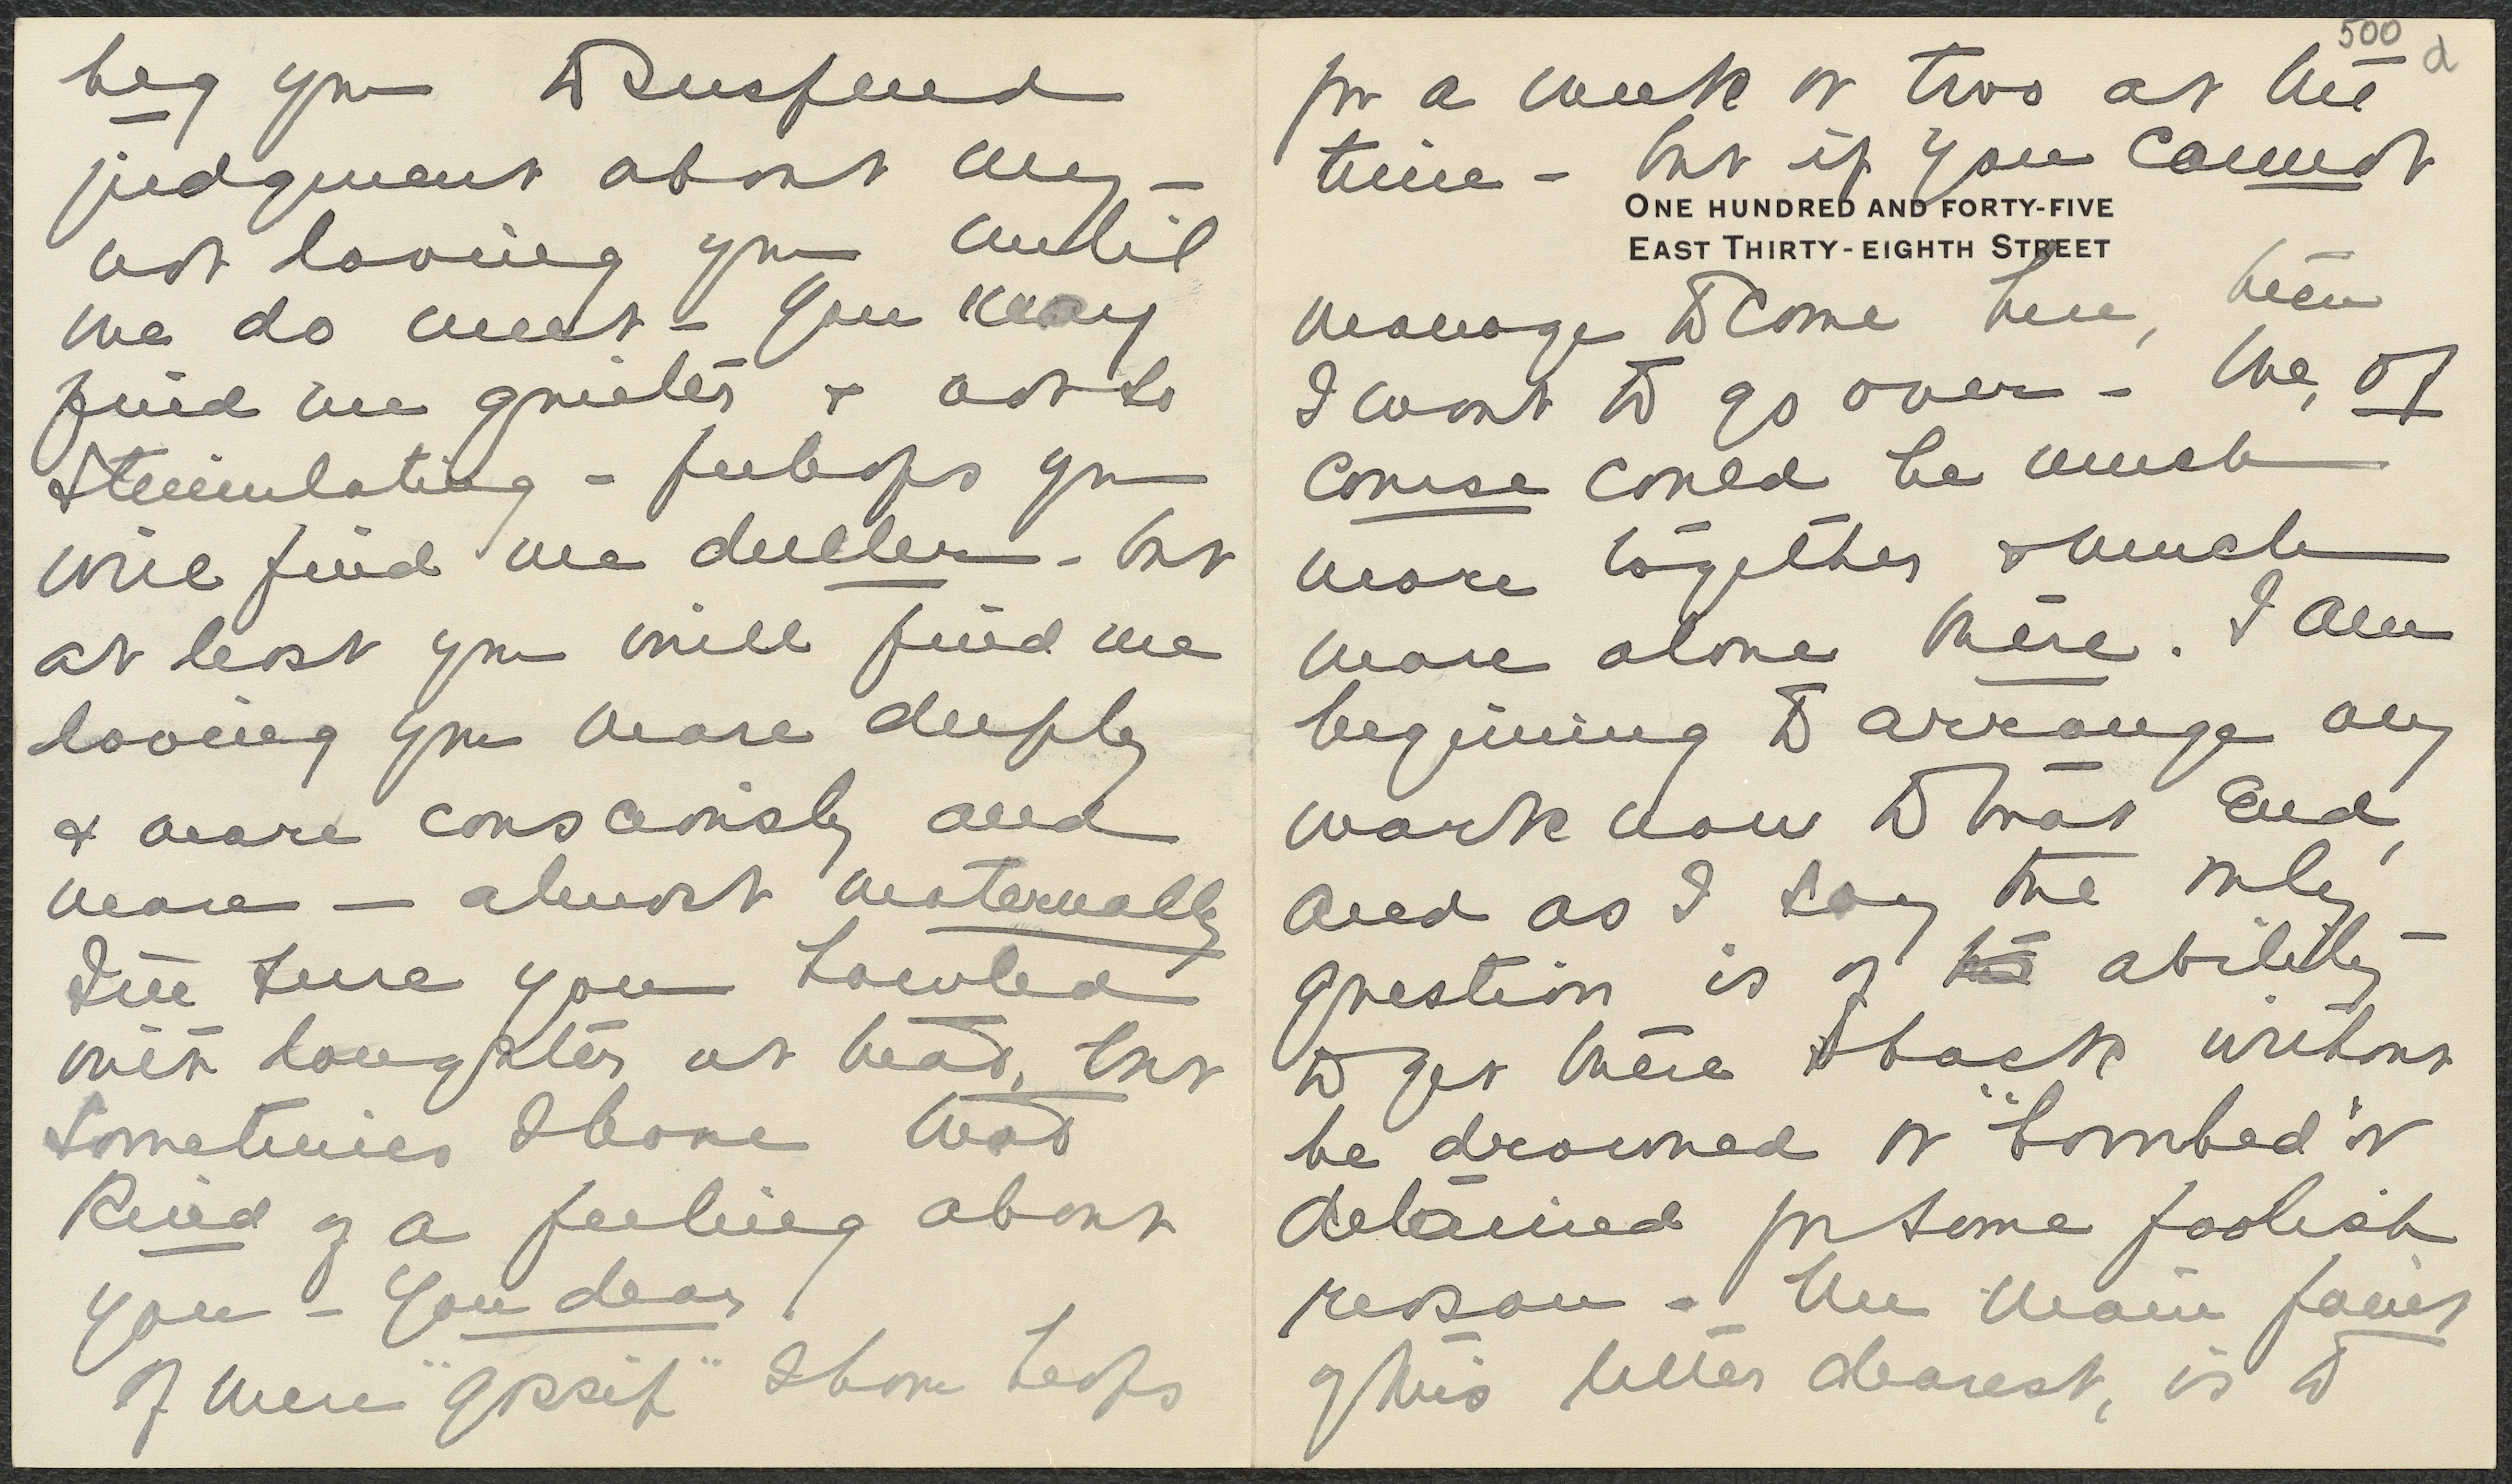for a week or two at the time – but if you cannot manage to come here, then I want to go over – We, of course could be much more together & much more alone there. I am beginning to arrange my work now to that end, and as I say the only question is of the ability to get there & back without be [sic] drowned or "bombed" or detained for some foolish reason – The main point of this letter dearest, is to
beg you to suspend judgment about my not loving you until we do meet – You may find me quieter & not so stimulating – perhaps you will find me duller – but at least you will find me loving you more deeply & more consciously and more – almost maternally I'm sure you howled with laughter at that, but sometimes I have that kind of a feeling about you – you dear
Of mere "gossip" I have heaps